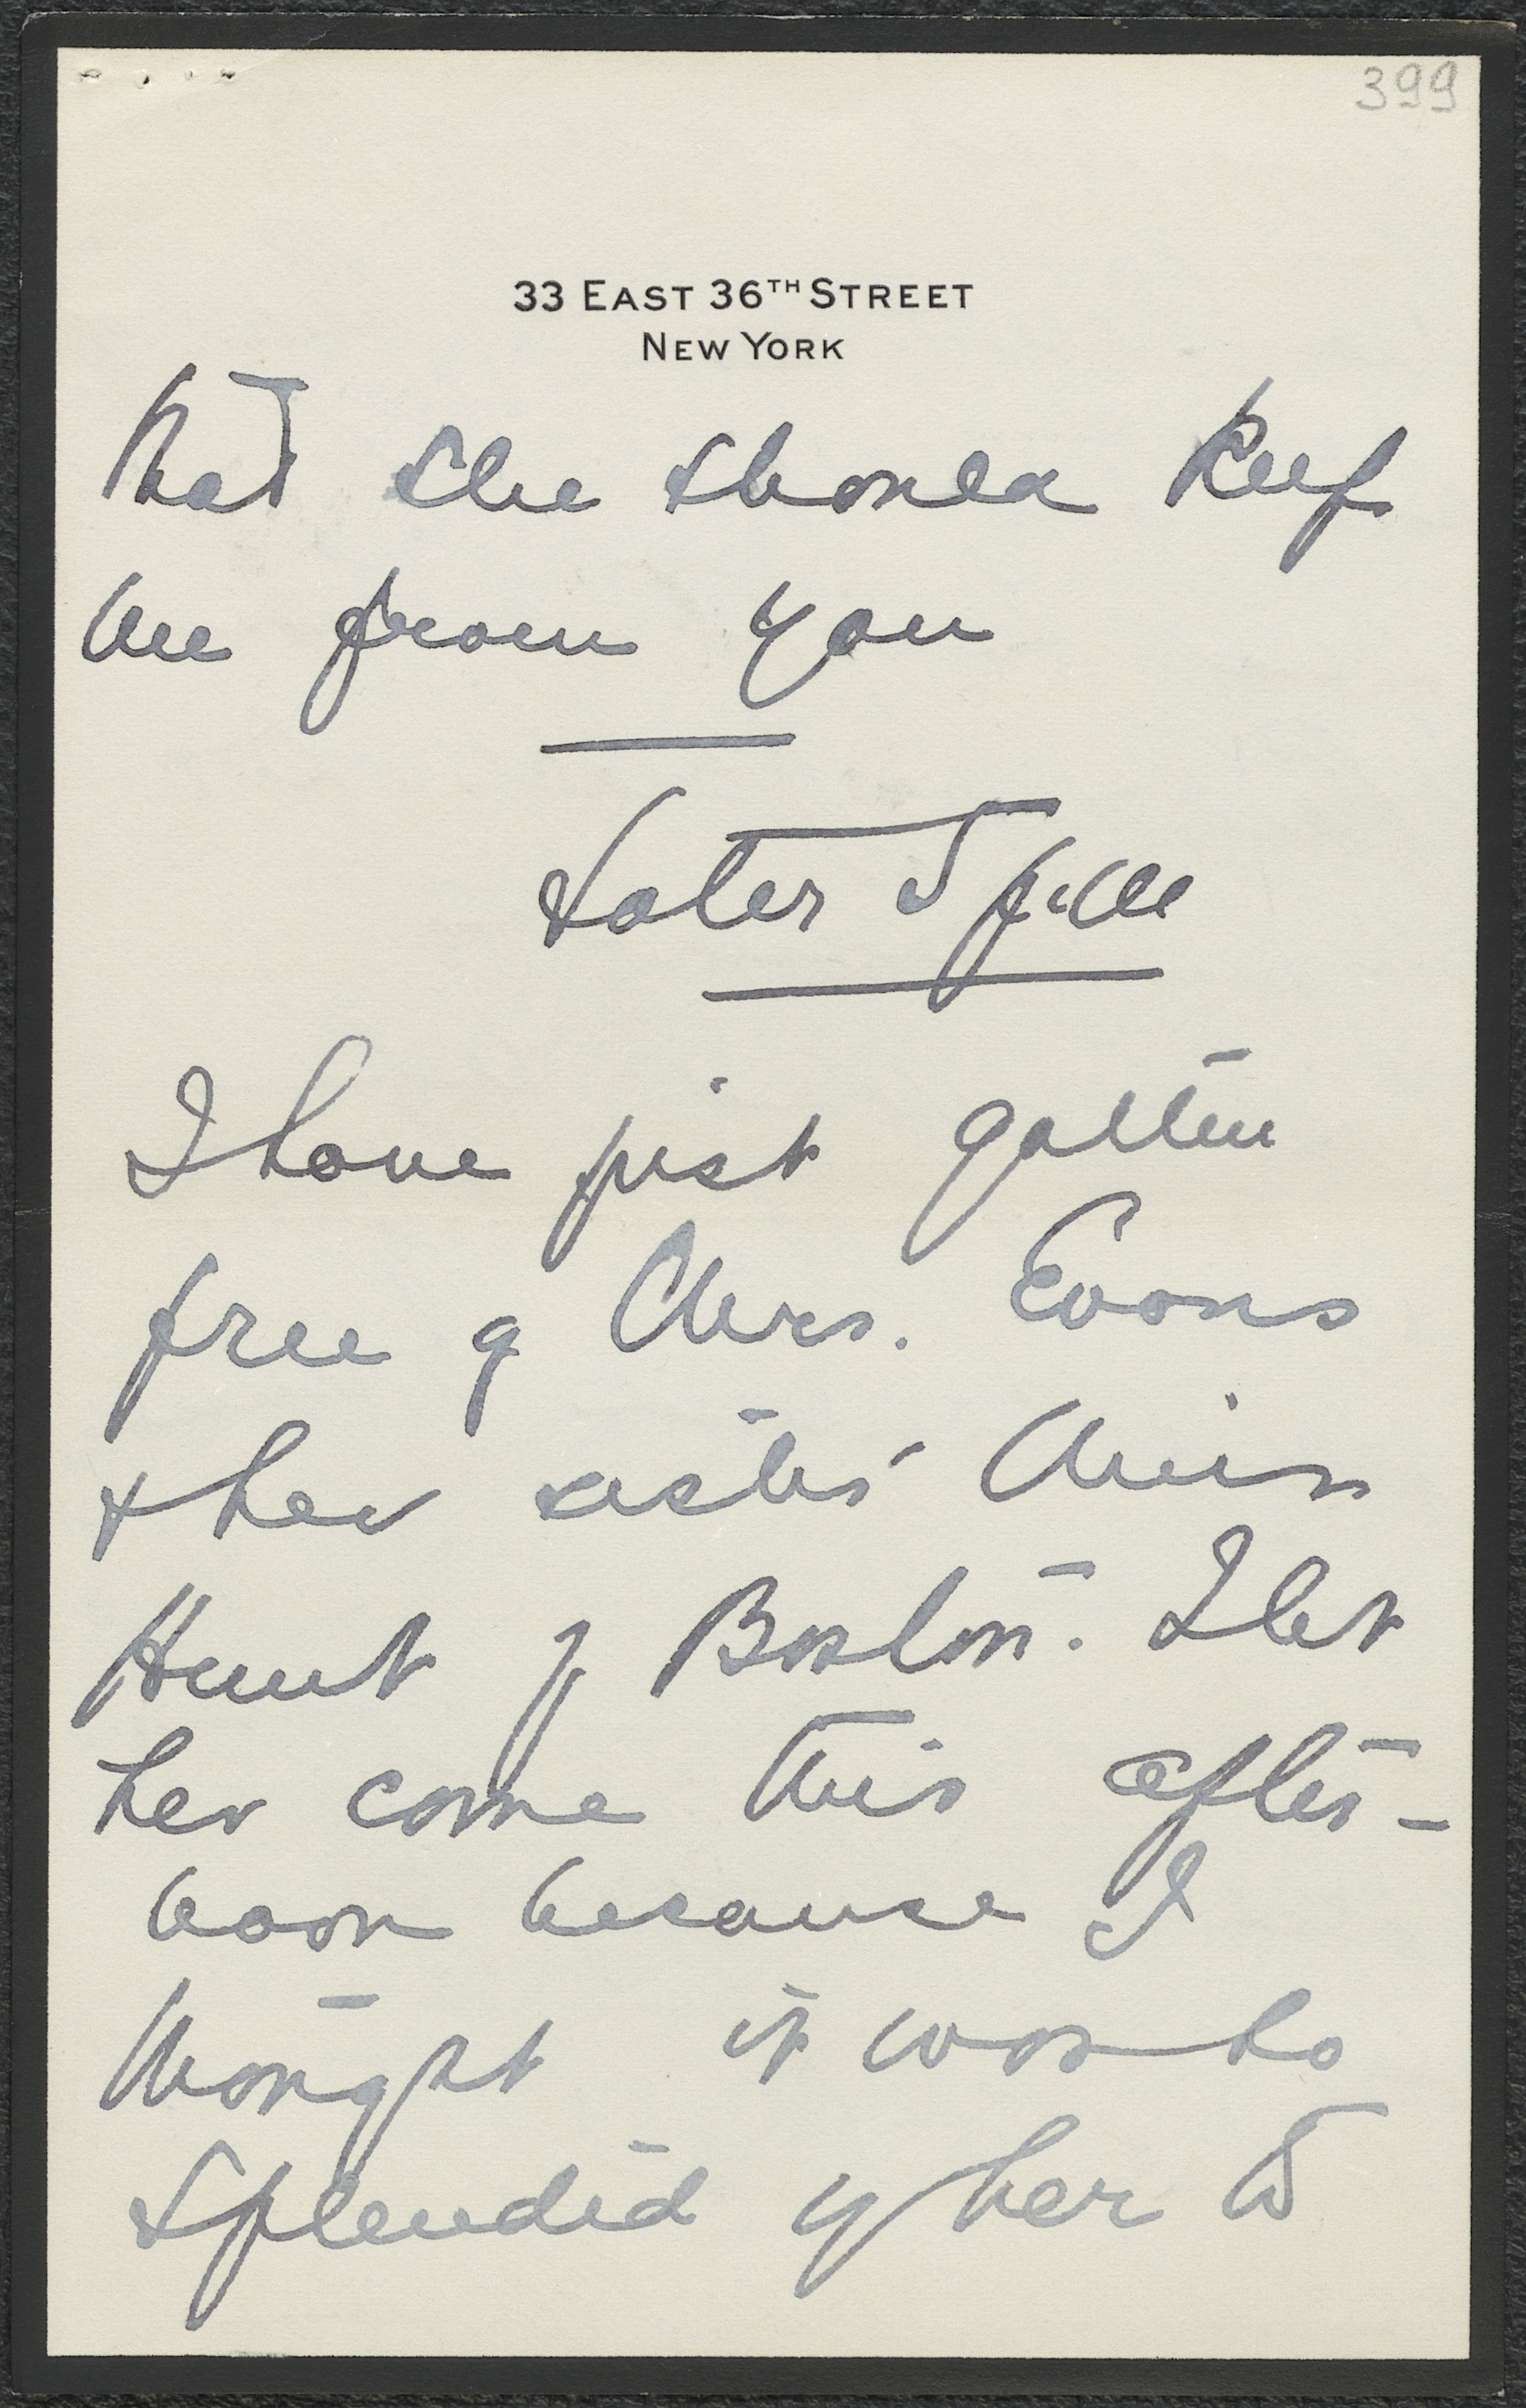that she should keep me from you –
Later 5 p.m.
I have just gotten free of Mrs. Evans and her sister Miss Hunt of Boston. I let her come this afternoon because I thought it was so splendid of her to